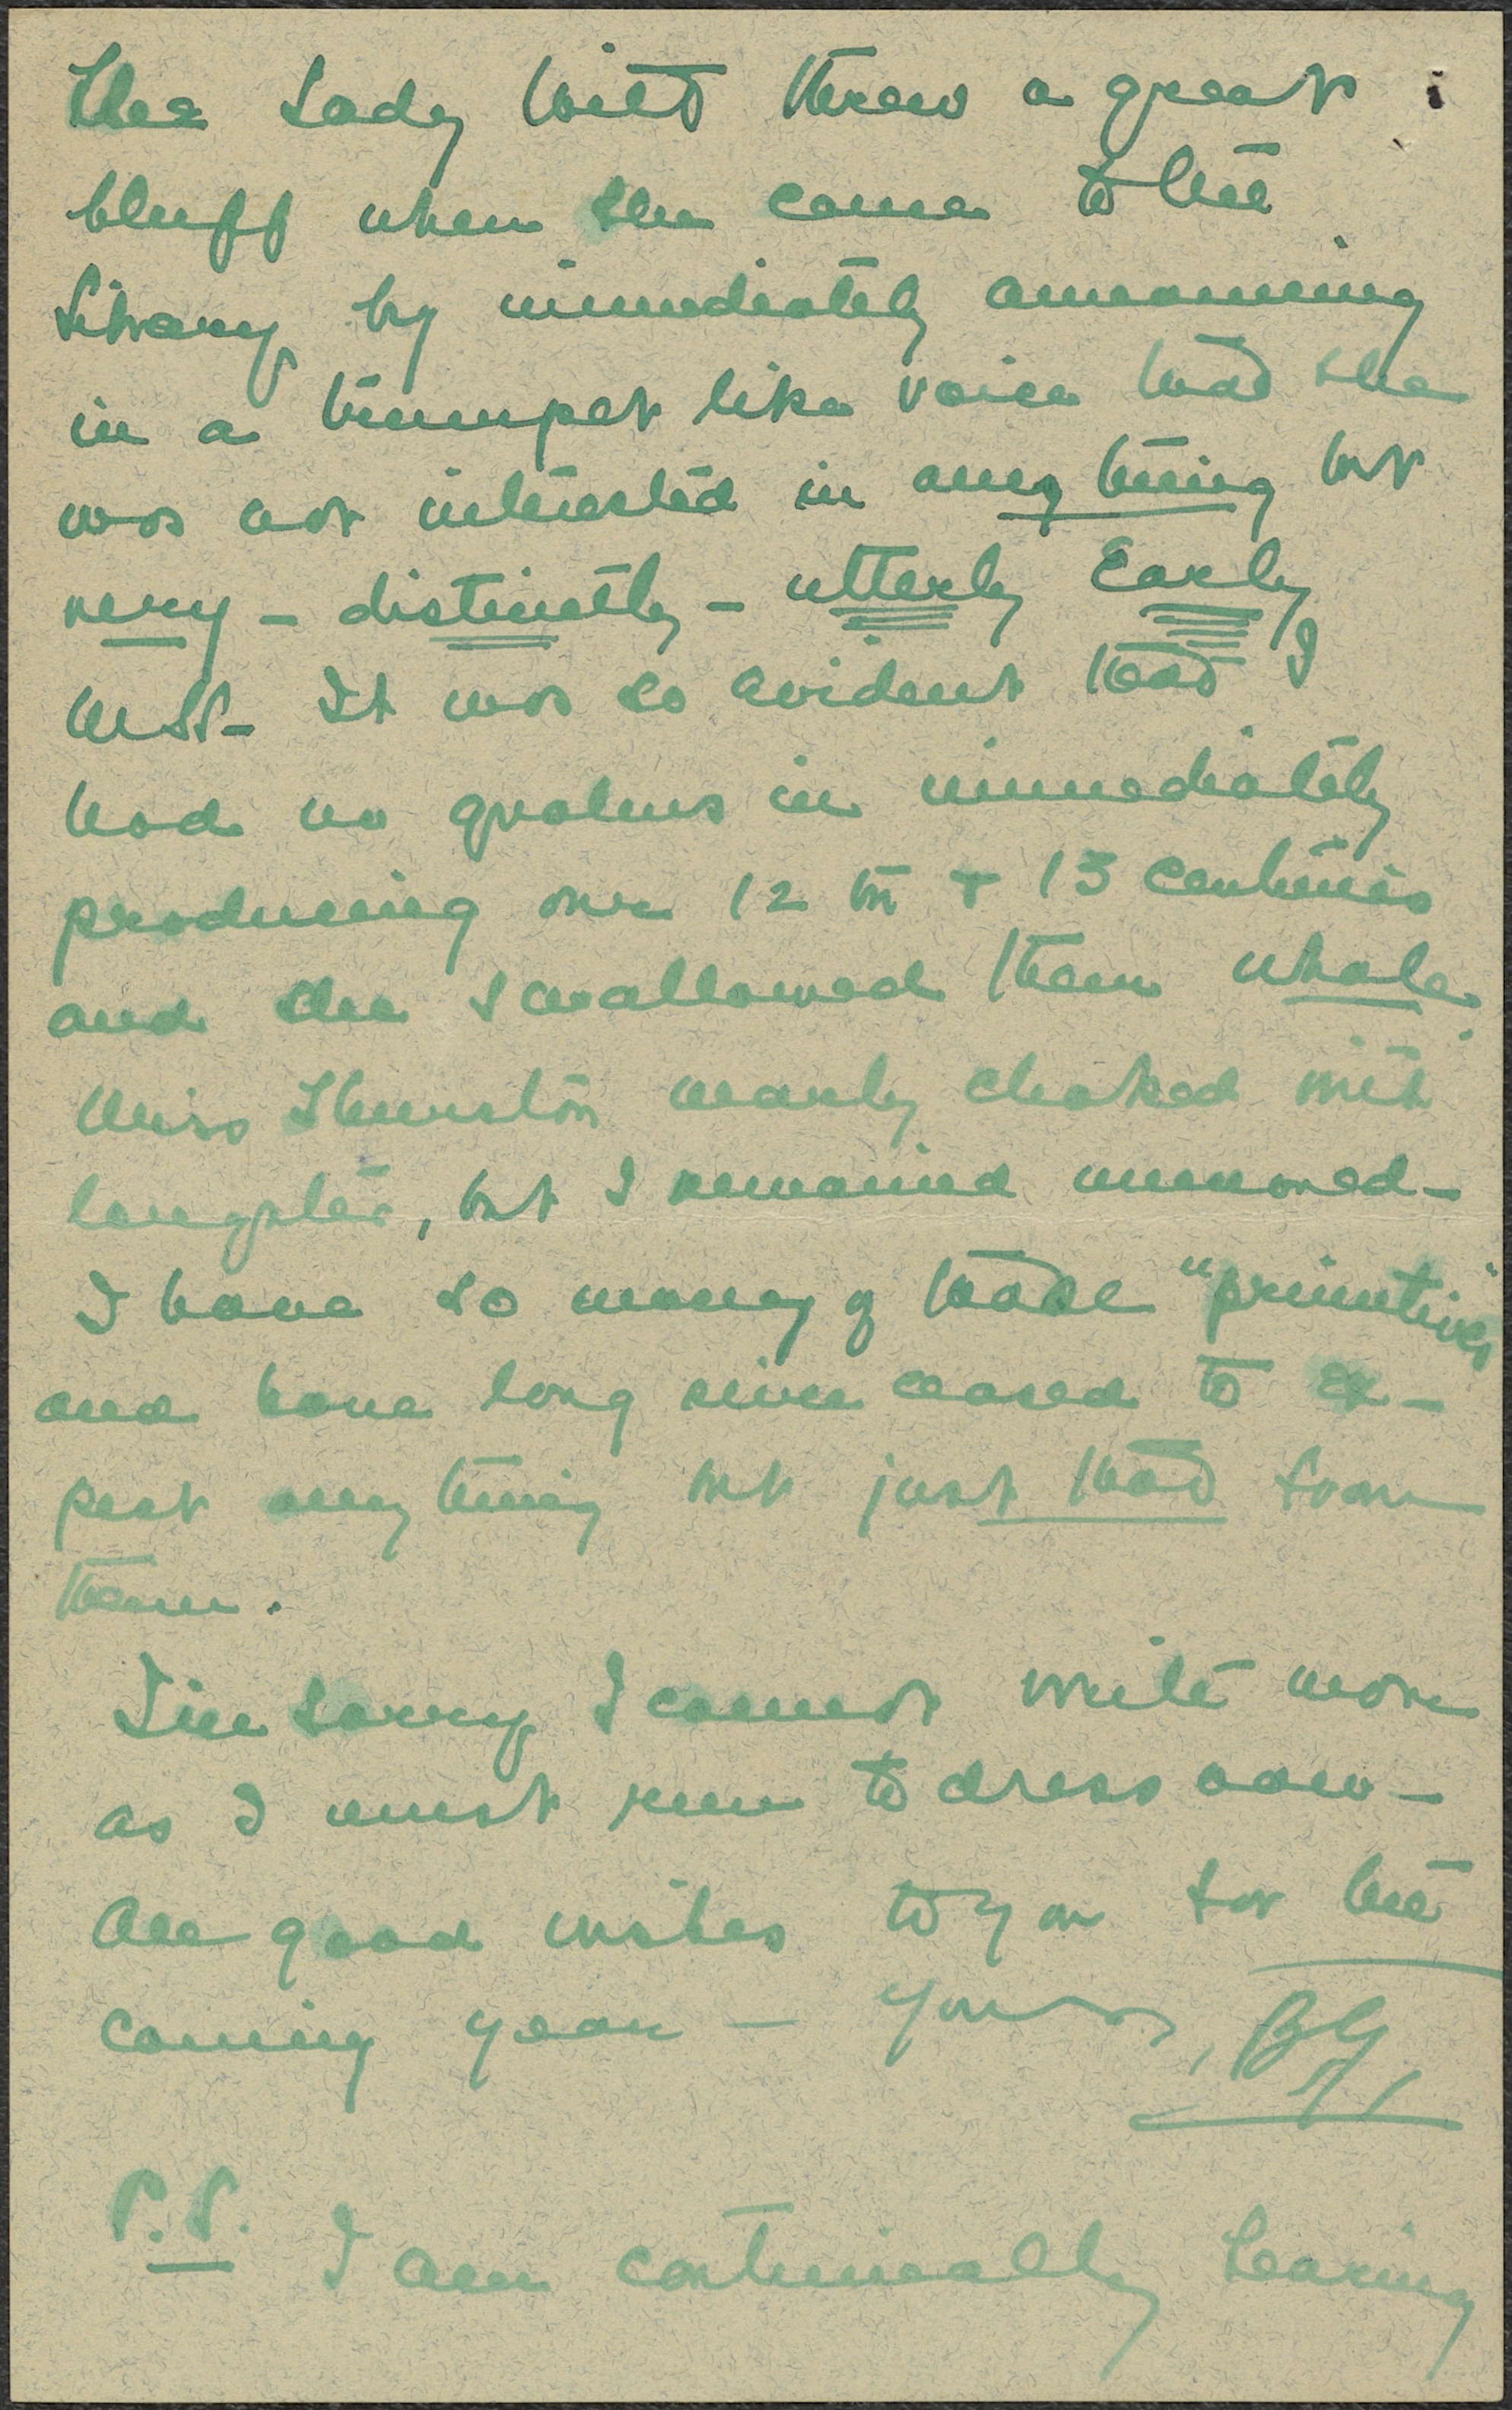The Lady Witt threw a great bluff when she came to the Library by immediately announcing in a trumpet like voice that she was not interested in anything but very – [double underlined: distinctly] – [triple underlined: utterly] [quintuple underlined: Early] MSS – It was so evident that I had no qualms in immediately producing our 12th & 13th centuries and she swallowed them whole. Miss Thurston nearly choked with laughter, but I remained unmoved – I have so many of those “primitives” and have long since ceased to expect anything but just that from them.
I’m sorry I cannot write more as I must run to dress now – All good wishes to you for the coming year – Yours, B.G.
P.S. I am continuously hearing